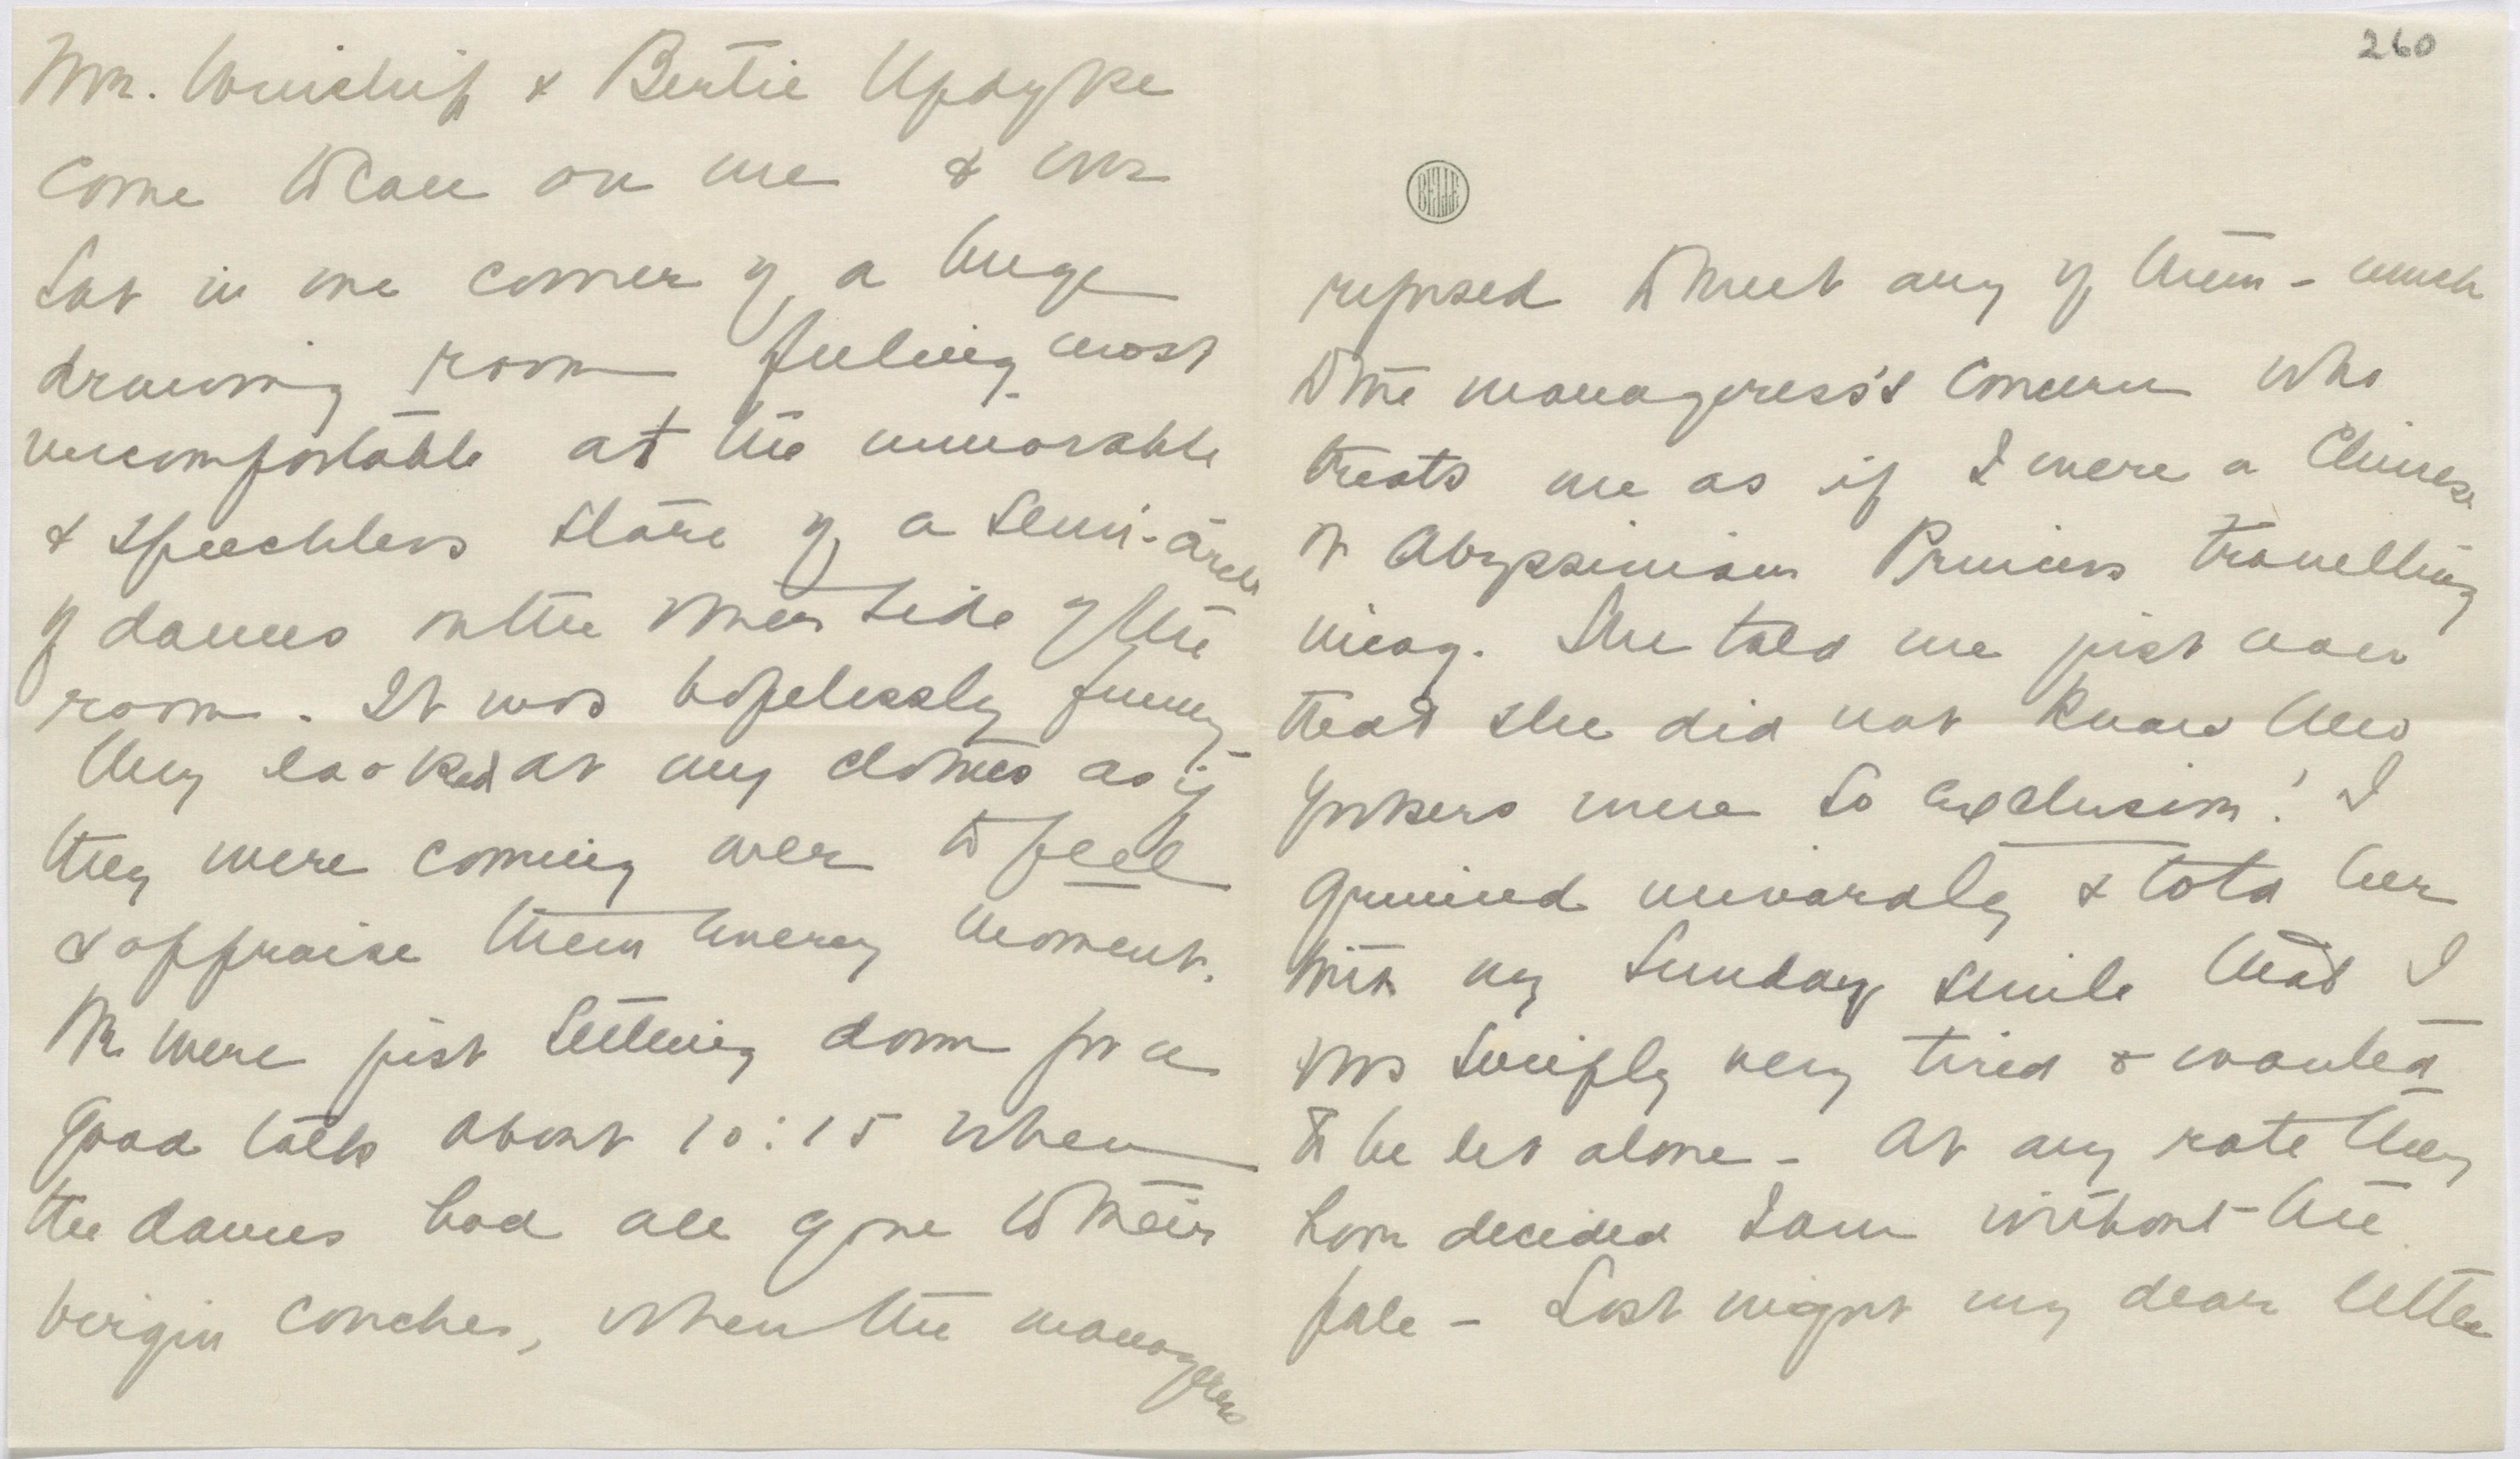refused to meet any of them – much to the manageress’s concern who treats me as if I were a Chinese or Abyssinian Princess travelling incog. She told me just now that she did not know New Yorkers were so exclusive! I grinned inwardly & told her with my Sunday smile that I was simply very tired & wanted to be let alone – At any rate they have decided I am without the pale – Last night my dear little
Mr. Winship & Bertie Updyke came to call on me & we sat in one corner of a huge drawing room feeling most uncomfortable at the immovable & speechless stare of a semi-circle of dames on the other side of the room. It was hopelessly funny – They looked at my clothes as if they were coming over to feel & appraise them every moment. We were just sitting down for a good talk about 10:15 when the dames had all gone to their virgin couches, when the manageress